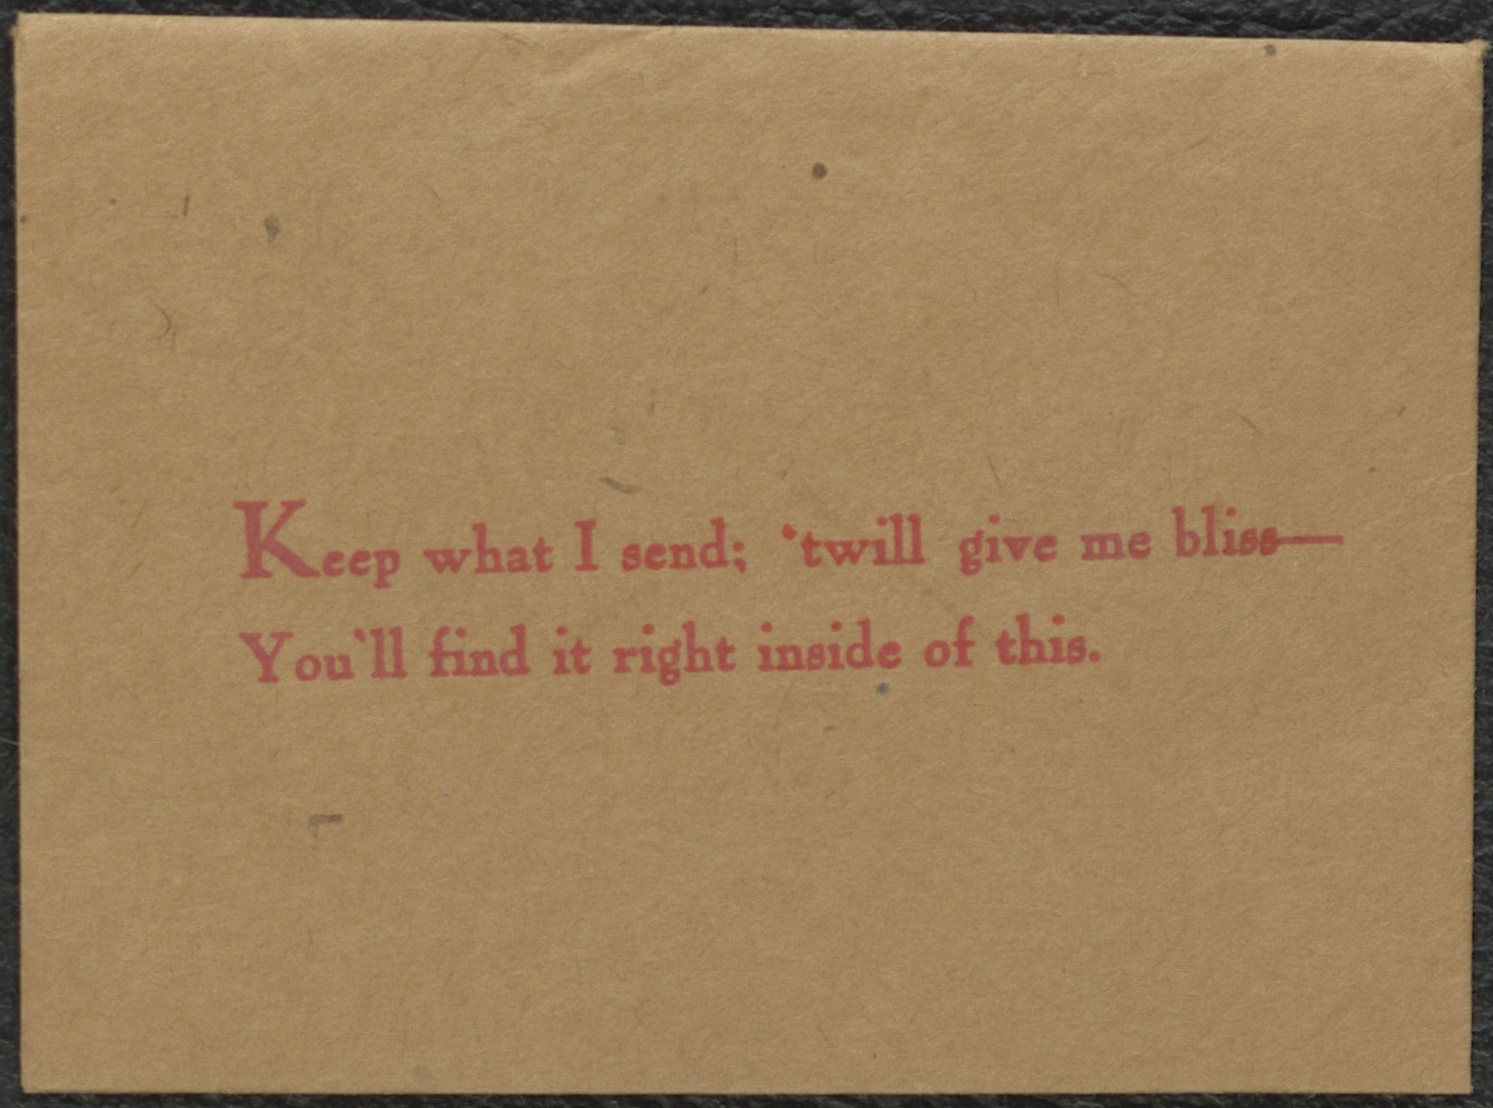[4]
Keep what I send; ‘twill give me bliss—
You’ll find it right inside of this.